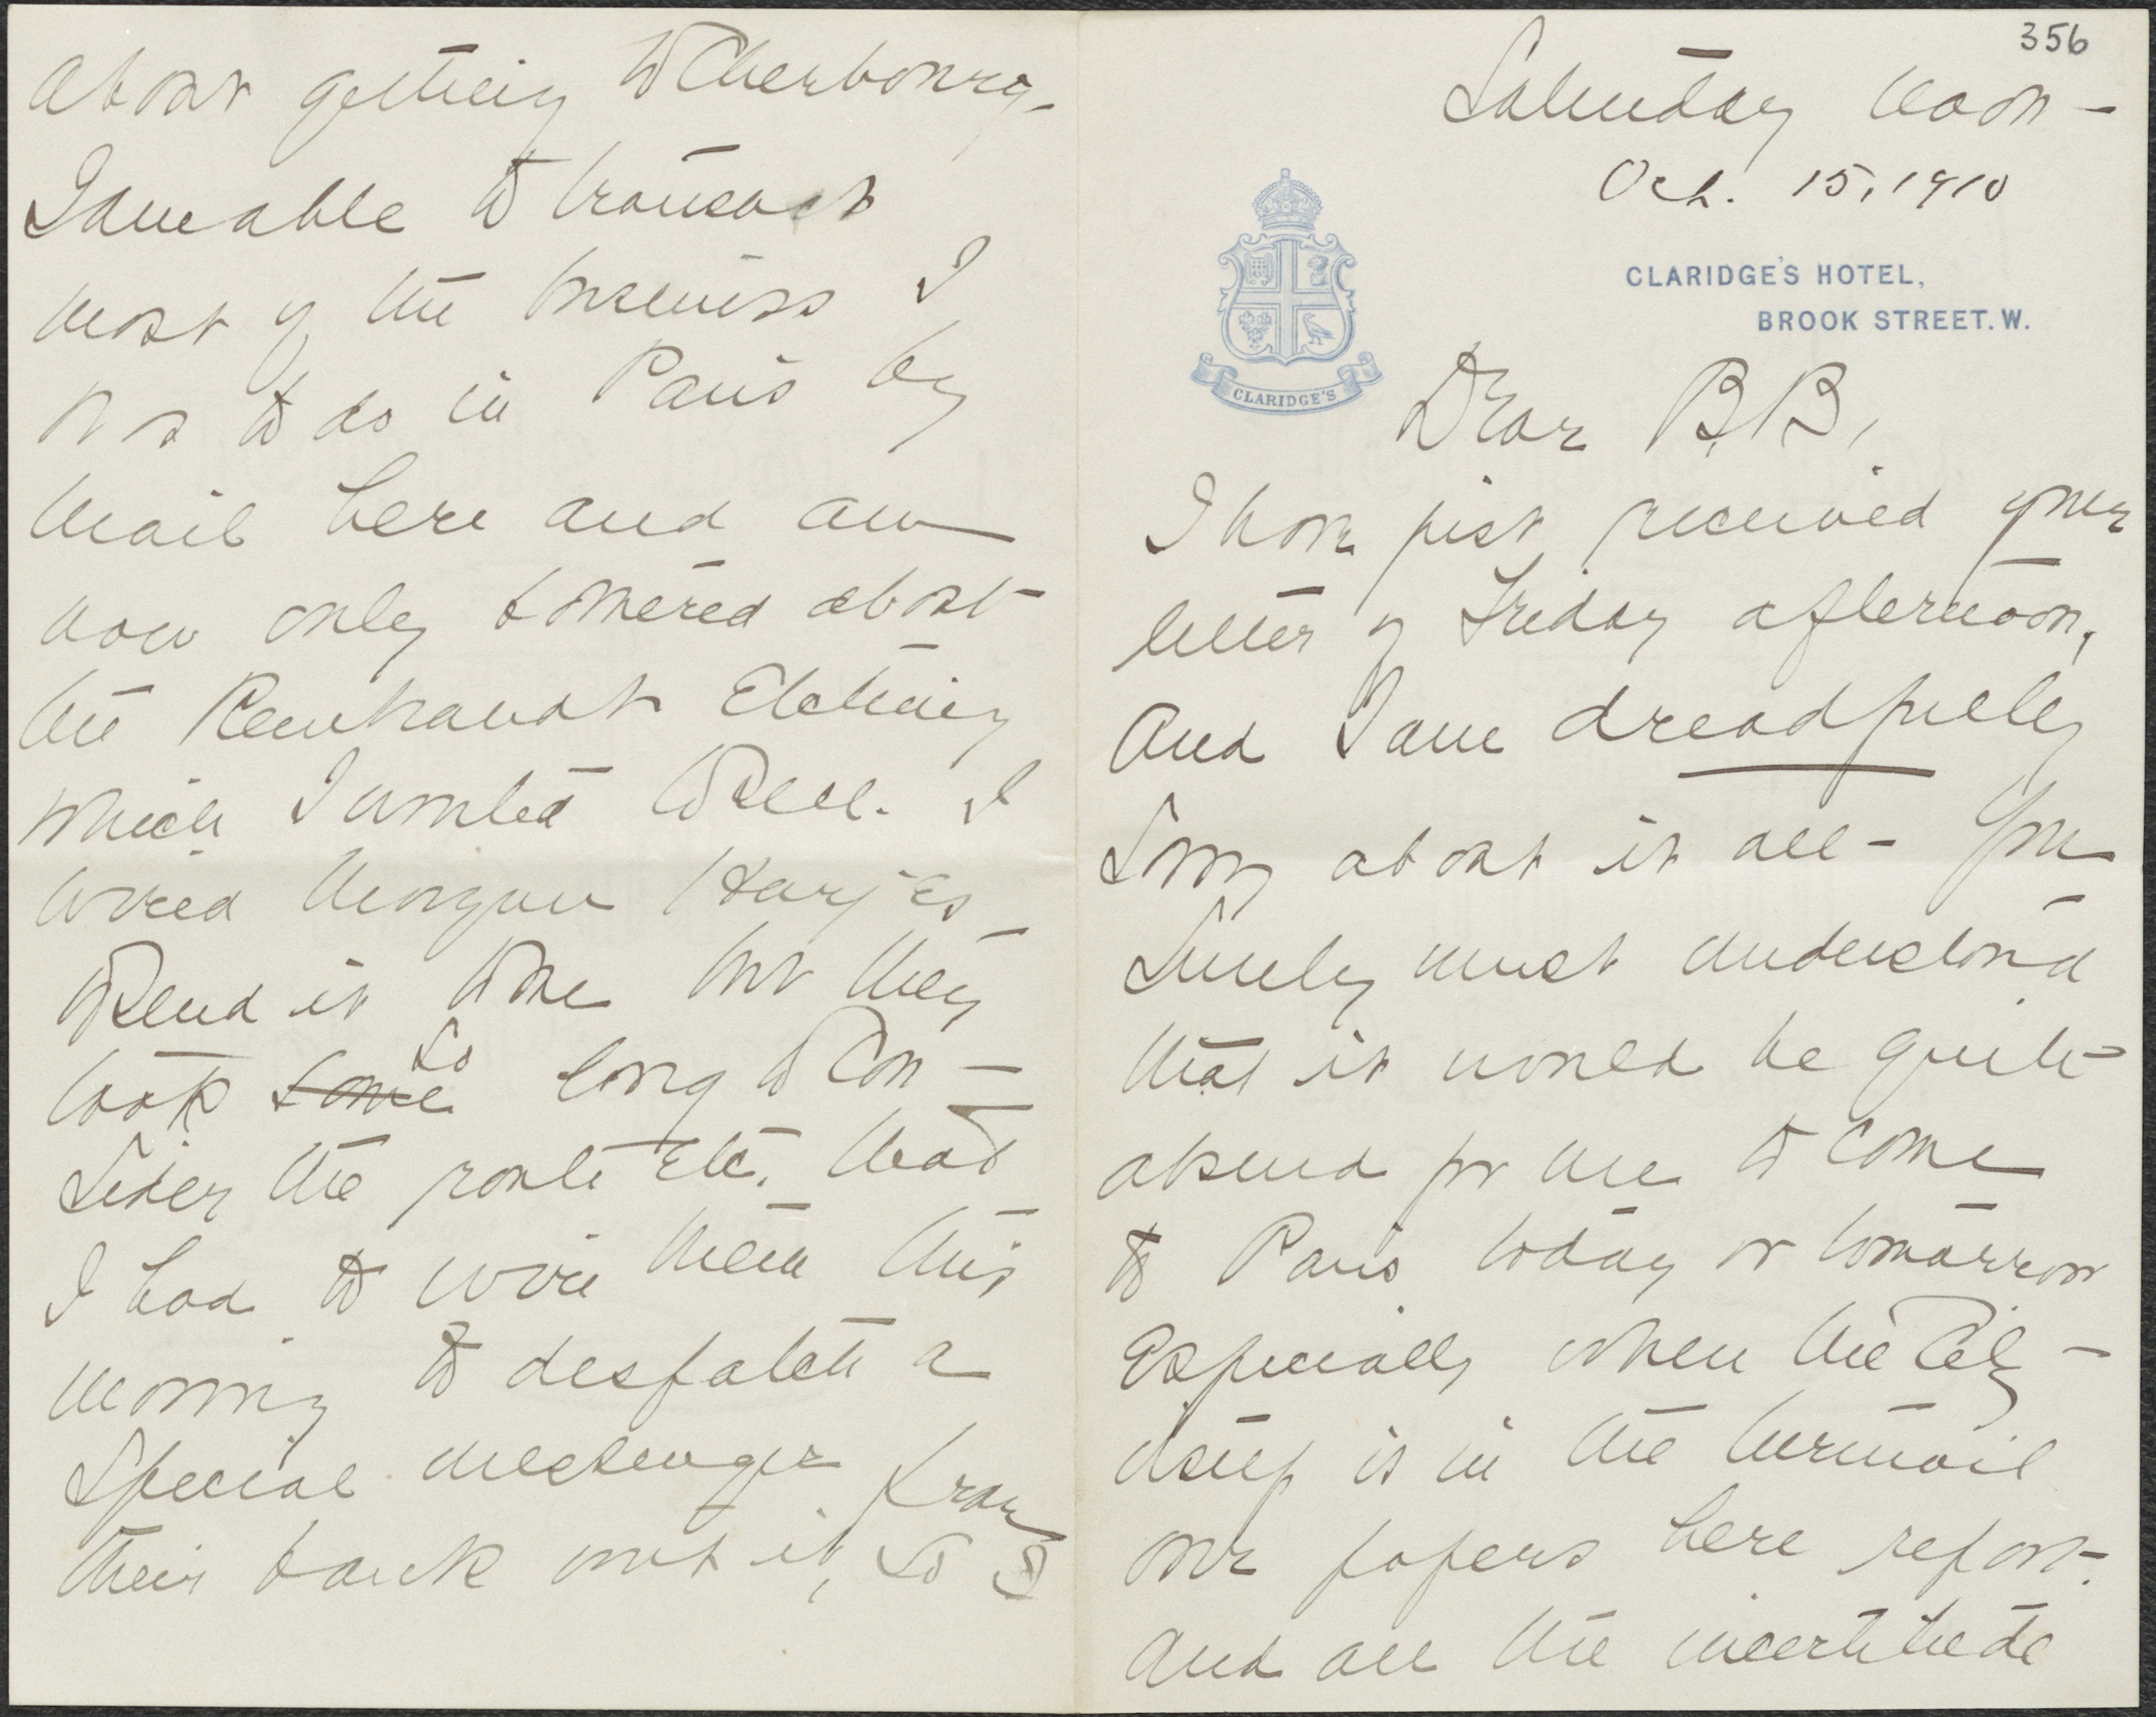Saturday noon –
Dear B. B.
I have just received your letter of Friday afternoon, and I am dreadfully sorry about it all – You surely must understand that it would be quite absurd for me to come to Paris today or tomorrow especially when the Ritz itself is in the turmoil our papers here report. And all the incertitude
about getting to Cherbourg – I am able to transact most of the business I was to do in Paris by mail here and am now only bothered about the Rembrandt etching which I wanted to sell. I wired Morgan Harjes to send it to me but they took some [^so^] long to consider the route etc. that I had to wire them this morning to despatch a special messenger from their bank with it, so I